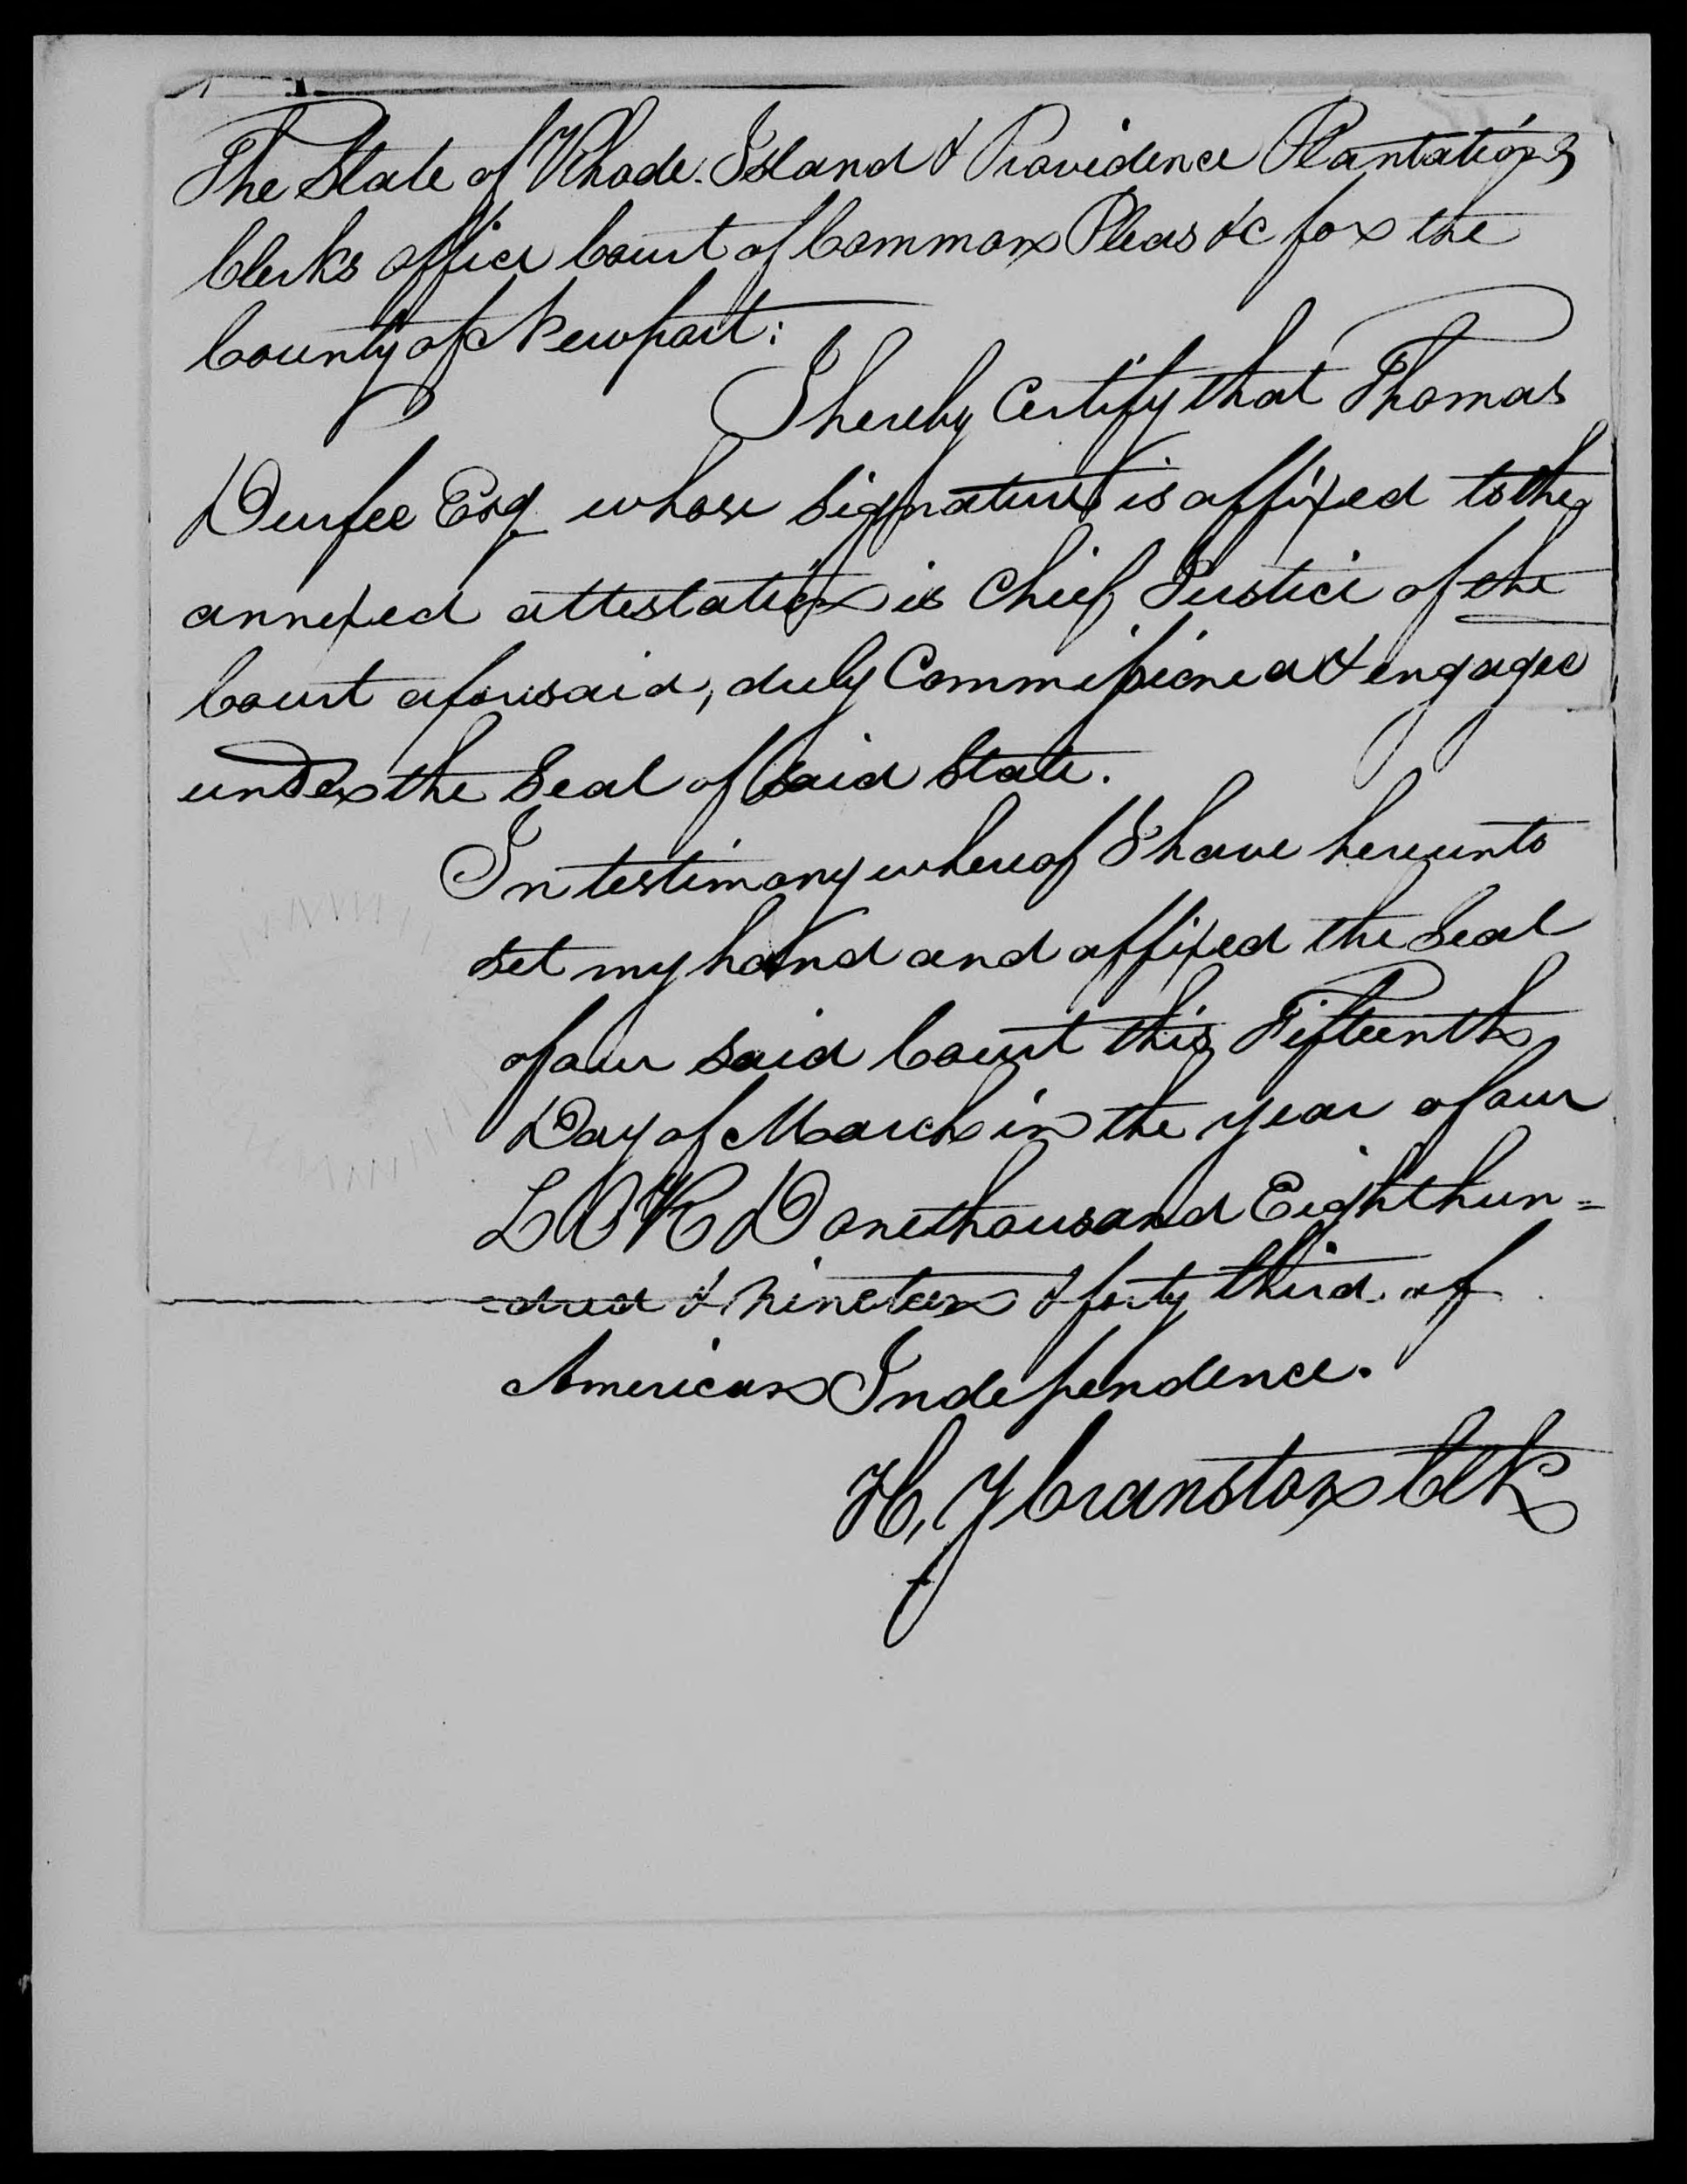The State of Rhode Island of Providence Plantations
Clerks officer Court of Common Pleas before the 
County of Newport:
I hereby certify that Thomas
Dupree Esq whose signature is affixed to the
annexed attesation is Chief Justice of the 
Court aforesaid, duly Commissioner engaged
index the Seal of said State.
In testimony whereof I have hereunto
set my hand and affixed the Seal
of our said Court this fifteenth 
Day of March in the year of our
LORD one thousand Eight hun
dred & Nineteen & forty third of
Americas Independence.
H Y Cranstar Clerk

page: 3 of 22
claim: survivor's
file: S 33777, for Noel Taber, Rhode Island